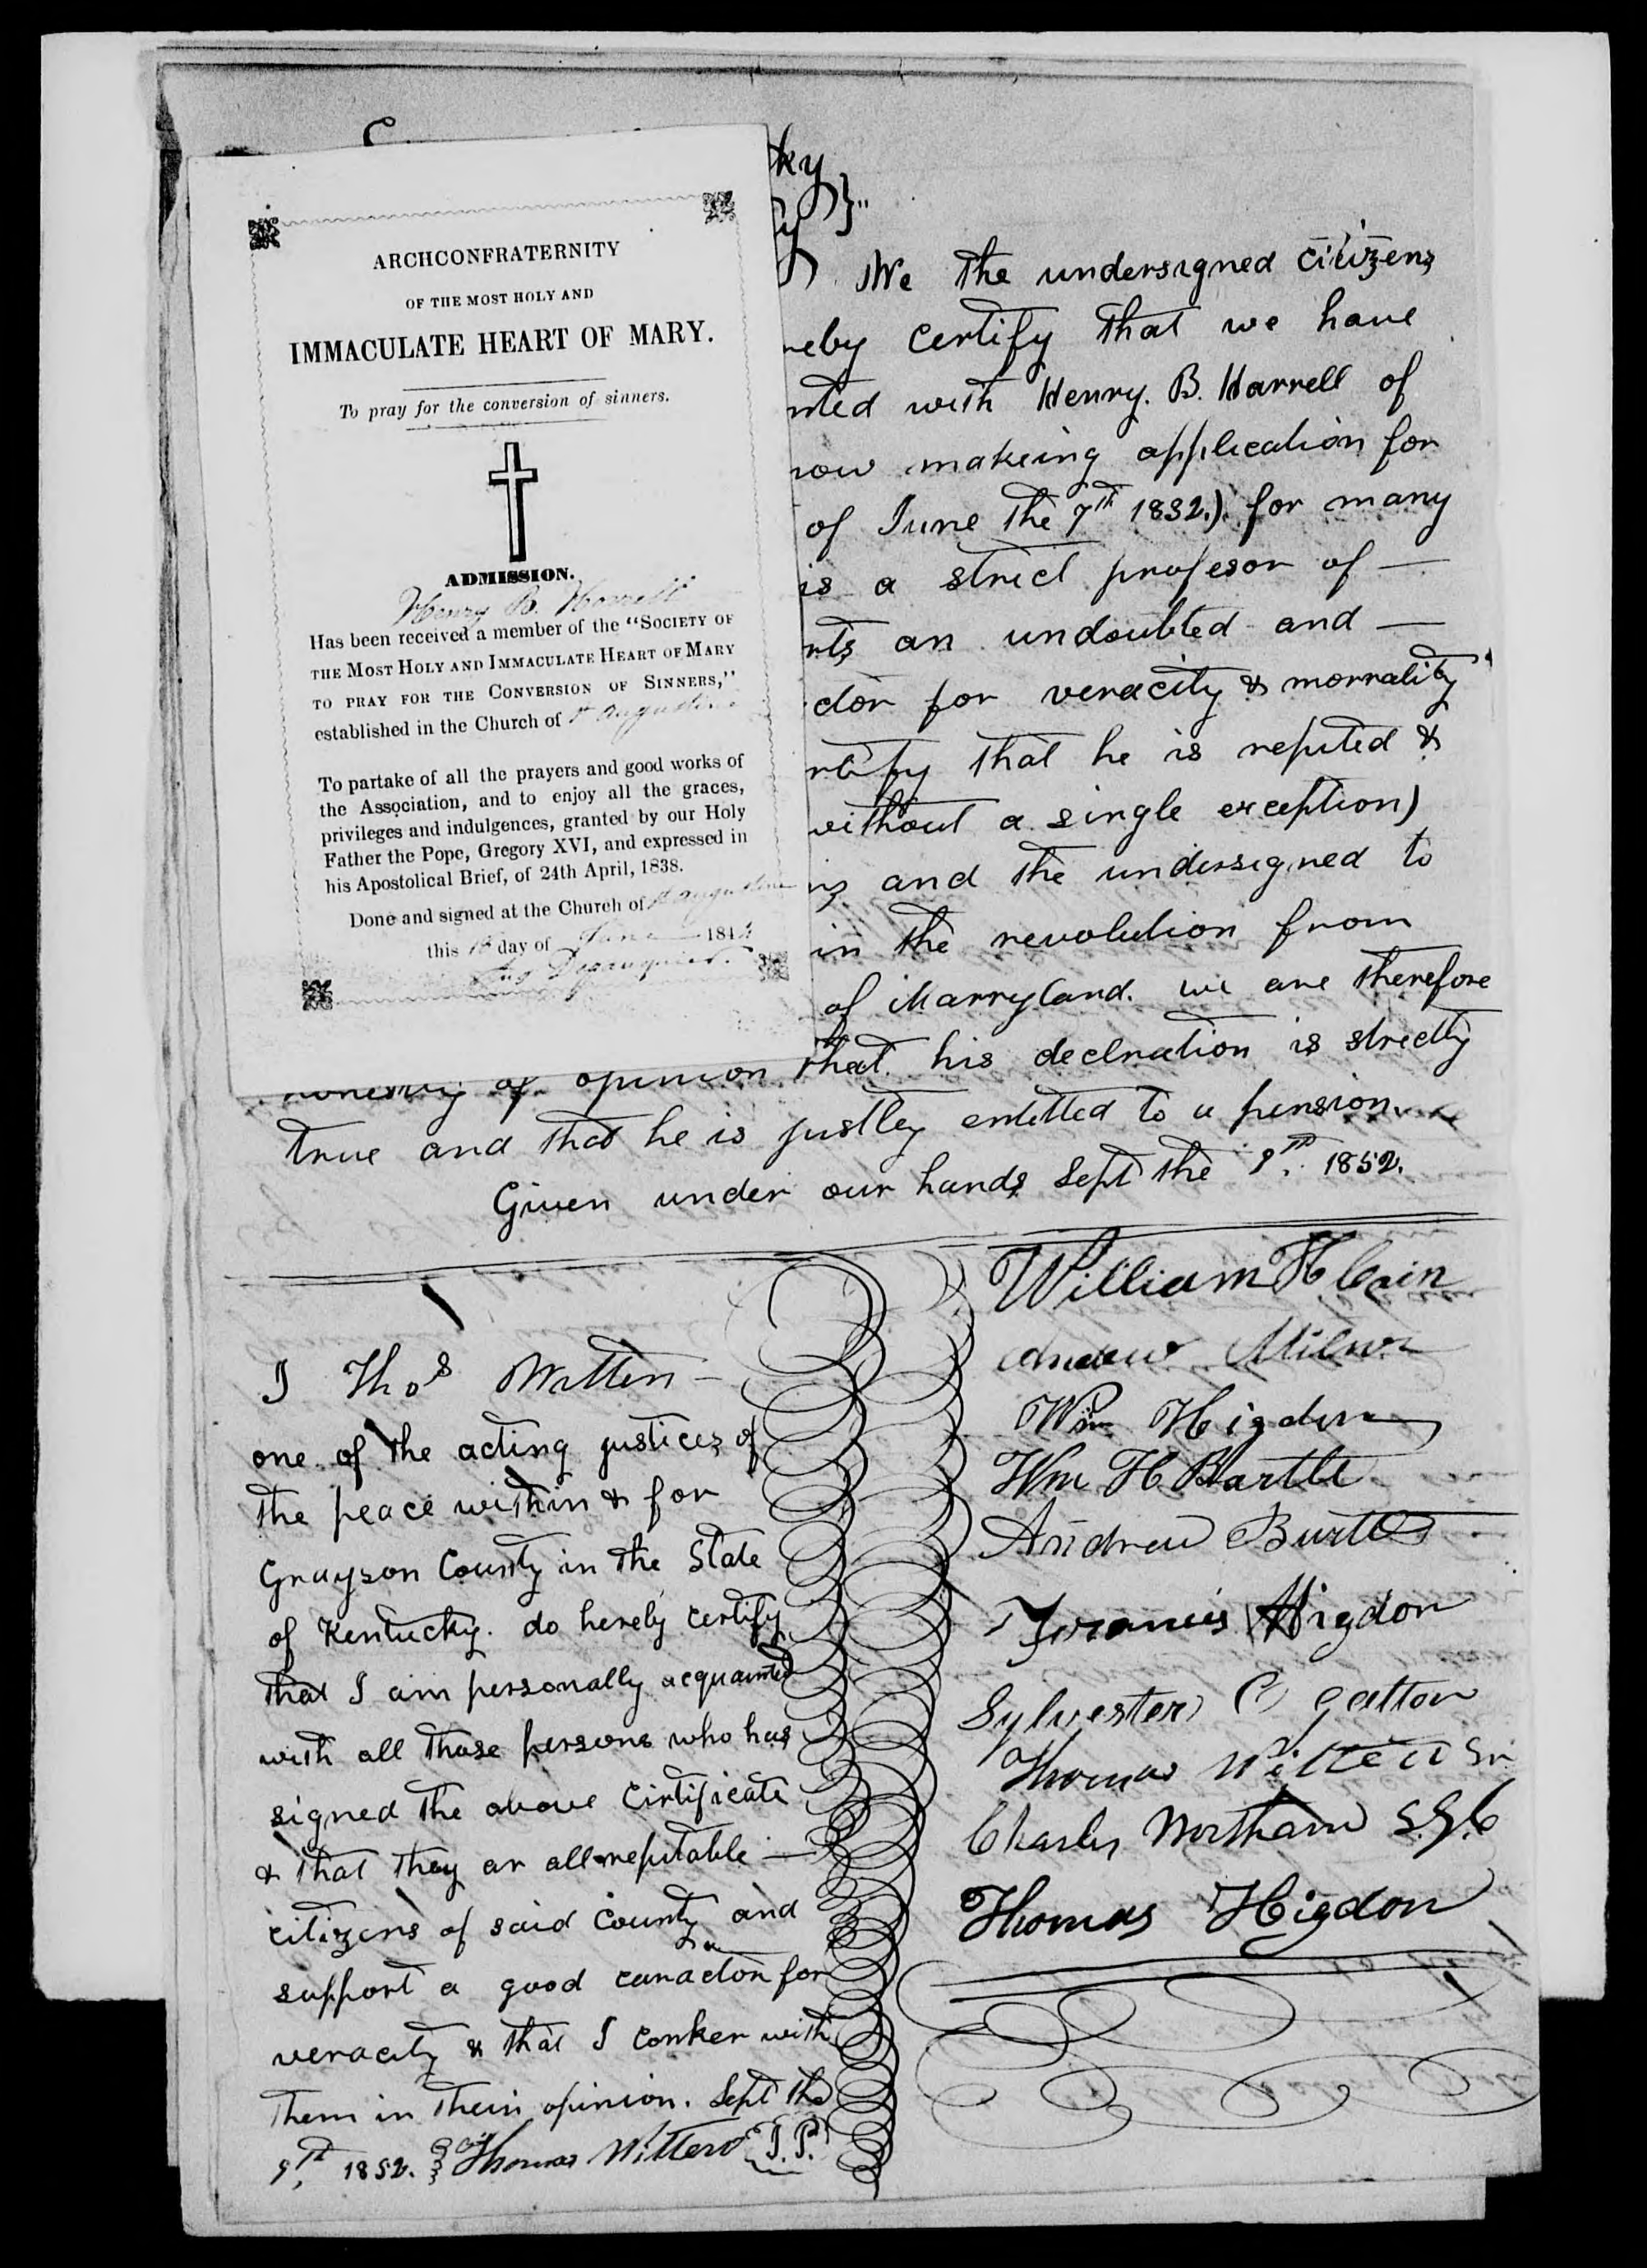ARCHCONFRATERNITY
OF THE MOST HOLY AND
IMMACULATE HEART OF MARY.
To pay for the conversion of sinners.
ADMISSION.
Henry B. Horrell [signature]
Has been received a member of the "SOCIETY OF
THE MOST HOLY AND INMACULATE HEART OF MARY
TO PRAY FOR THE CONVERSION OF SINNERS,"
established in the Church of St Augustine

To partake of all the prayers and good works of
the Association, and to enjoy all the graces,
privileges and indulgences, granted by our Holy
Father the Pope, Gregory XVI, and expressed in
his Apostolical Brief, of 24th April, 1838.

Done and signed at the Church of St Augustine
this 18 day of June 184[inelligible]
Aug Deqauquier.

We the undersigned citizens hereby certify that we have 
[obscured text] nted with Henry B. Harrell of [obscured text]
now making application for [obscured text]
of June the 7th 1832) for many
[obscured text] is a strict professor of --
[obscured text] nts an undoubted and --
[obscured text] dor for veracity & morrality"
[obscured text] ntify that he is reputed &
[obscured text] without a single exception )
[obscured text] 
and the undersigned to
[obscured text] in the revolution from
[obscured text] of Maryland. we are therefore (illegible)
of opinion that his declaration is strictly
true and that he is justly entitled to a pension.
Given under our hands Sept the 9th 1852.

William H Cain
Andrew Milner
Wm Higadorn
Wm H Bartle
Andrew Burt
Francis Higdon
Sylvester C. Catton
Thomas Willett Sr
Charles Northam 
Thomas Higdon

I Thos Matten 
one of the acting justices of 
the peace within & for
Grayson County in the State 
of Kentucky do hereby certify 
that I am personally acquainted 
with all those persons who has
signed the above Certificate 
& that they ar all reputable 
citizens of said county and
support a good [illegible] for
veracity & that I conker (concur) with
them in their opinion. Sept the 
9th, 1852   Thomas Witters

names: Henry B Horrell, Charles Wortham, Thomas Higdon, Thomas Witten, Francis Higdon, William H Cain, Sylvester O Gatton, Andrew Burto, Wm Higdon, Andew Milner, Thos Witten, Wm H Bartle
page: 7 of 15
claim: rejected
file: R. 5234, Henry B Horrell, Md.